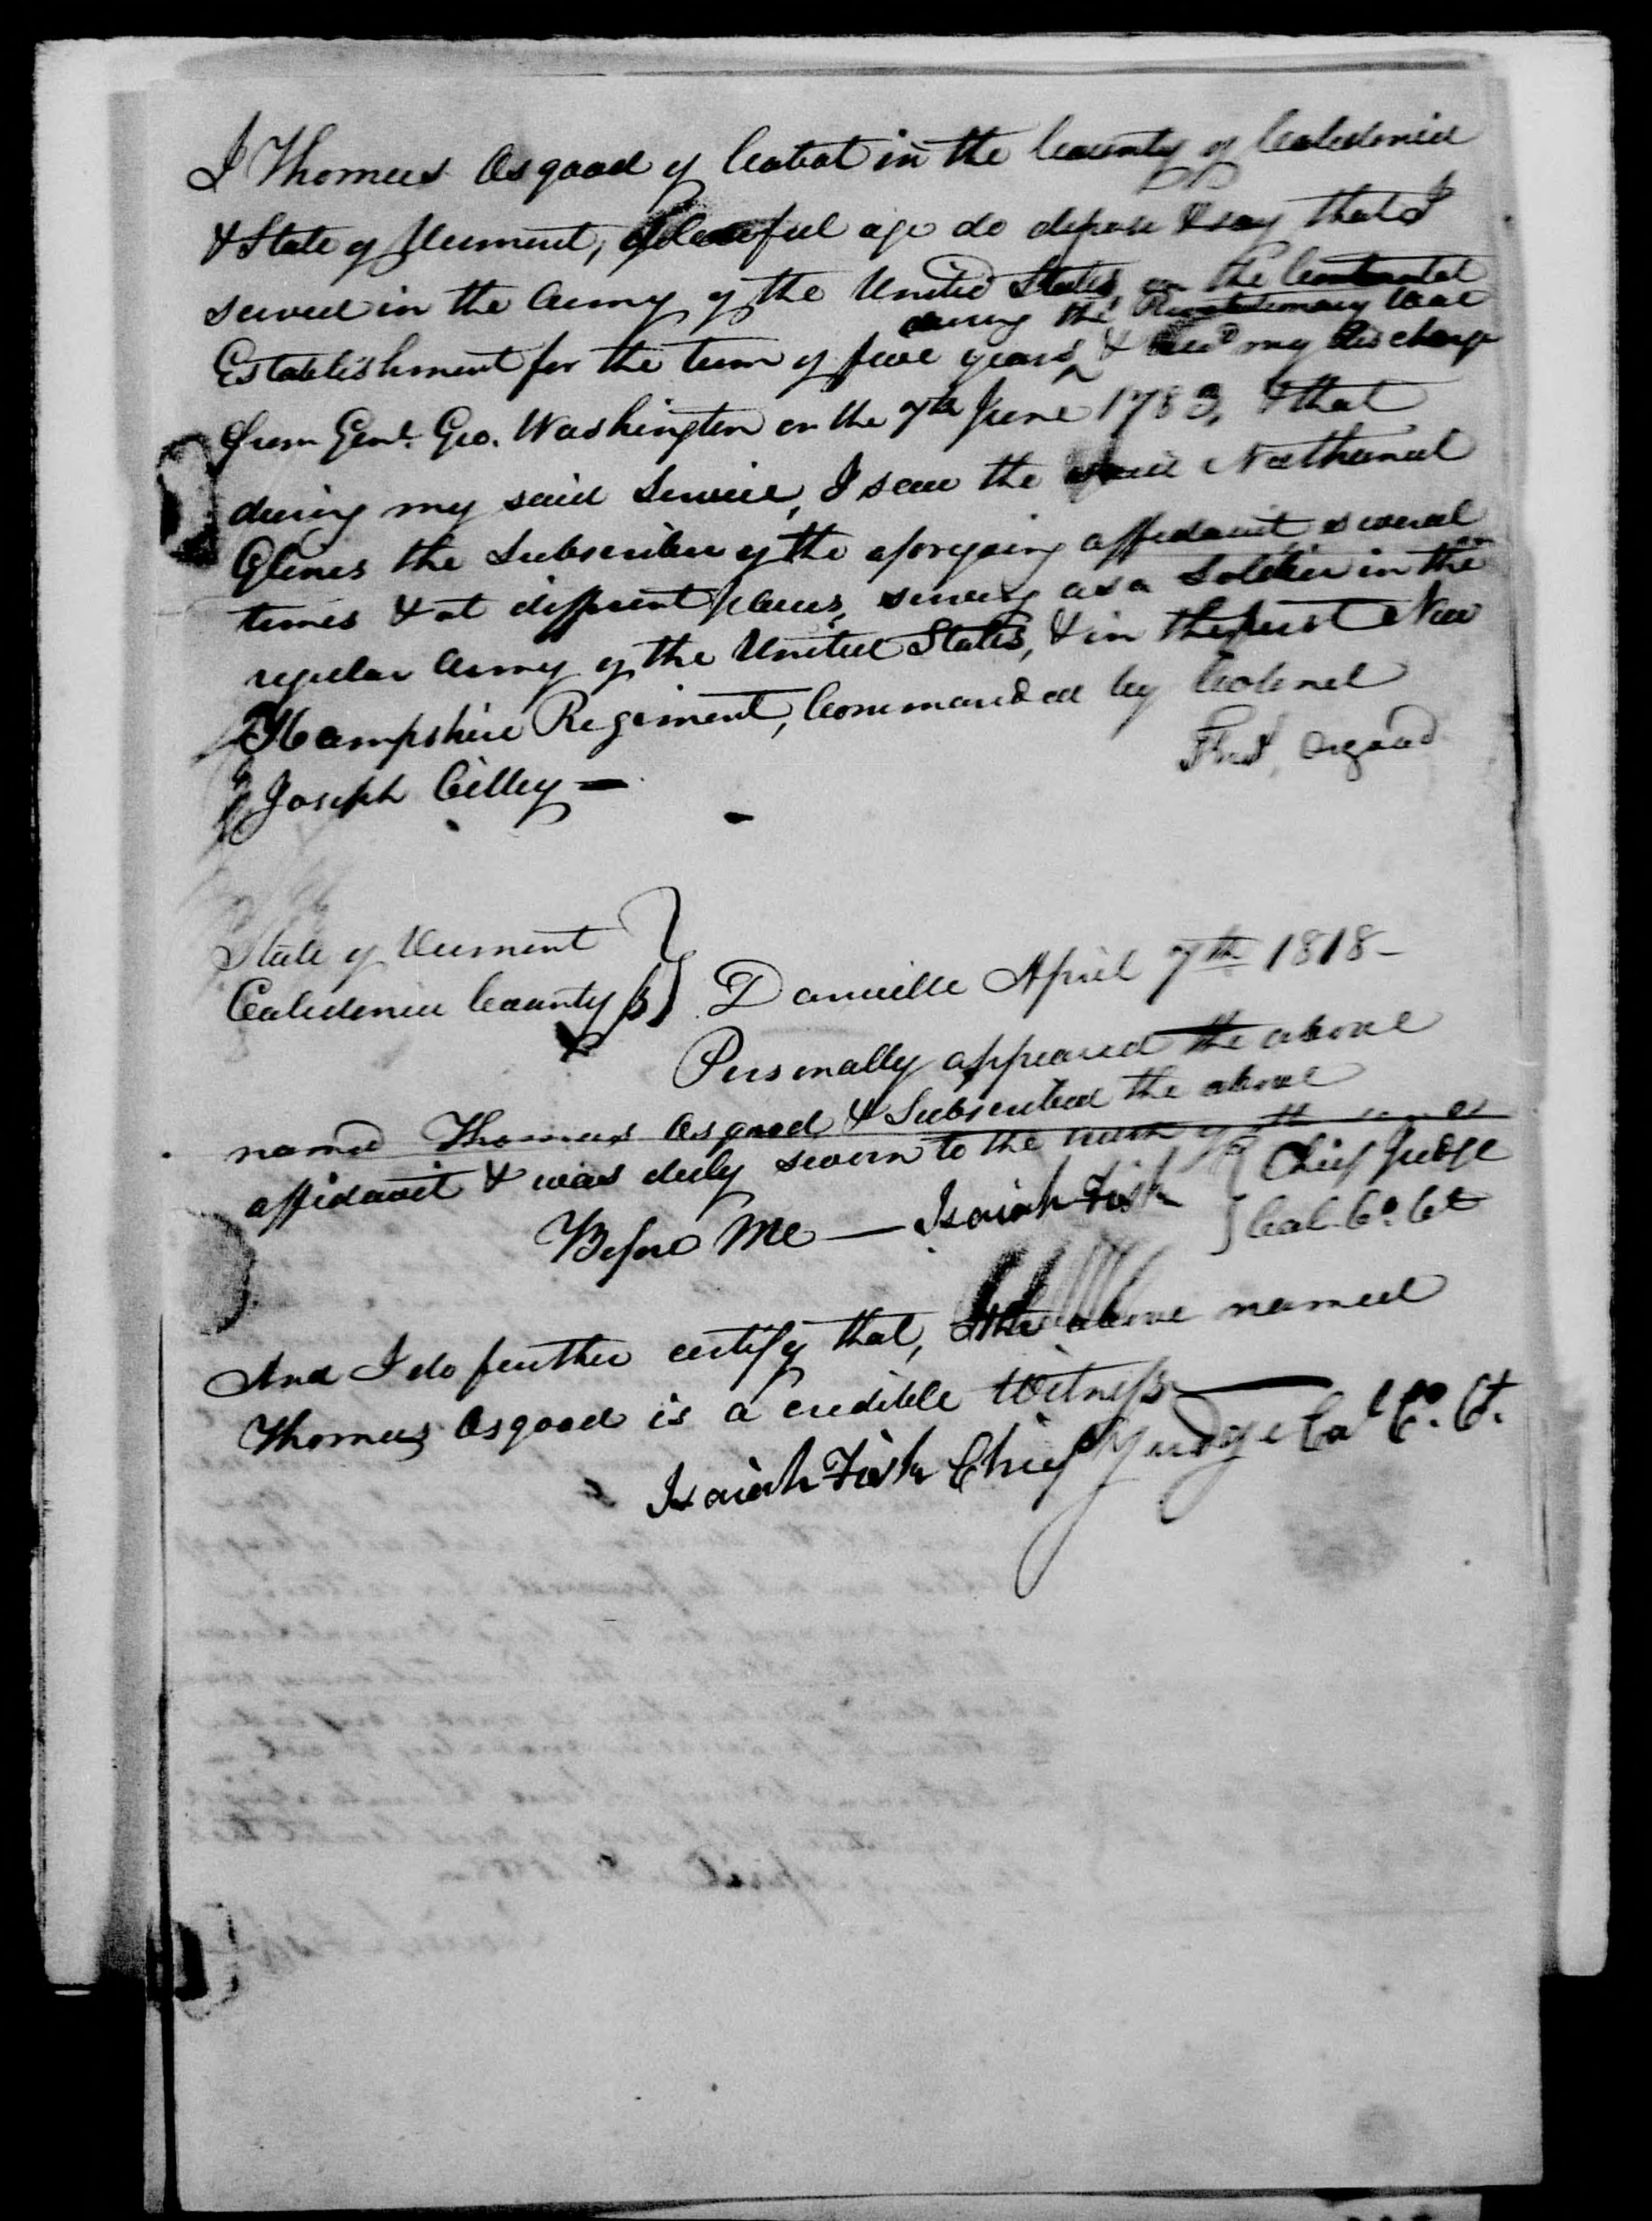I Thomas Osgood of [illegible] in the County of Caledonia
& State of Vermont [illegible] do depose & say that I
served in the Army of the United States in the Continental
Establishment for the term of five years during the Revolutionary War & rec'd my discharge
from Gen'l Geo. Washington on the 7th June 1783, that
during my said service, I saw the said Nathaniel
Glines the subscriber of the foregoing affidavit several
times & at different places, serving as a soldier in the
regular Army of the United States, & in the first
New Hampshire Regiment, commanded by Colonel
Joseph Cilley - 
Thos. Osgood

State of Vermont
Caledonia County Ss.}
Danville April 7th 1818-
Personally appeared the above
named Thomas Osgood & subscribed the above
affidavit & was duly sworn to the truth of the [illegible]
Before Me - Isaiah Fish } Chief Judge
Cal. Co. Ct.
And I do further certify that the above named
Thomas Osgood is a credible witness - 
Isaiah Fisk Chief Judge Cal. Co. Ct.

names: Thomas Osgood, Thomas Osgood, Joseph Cilley, Isaiah Fisk, Thos Osgood, Thomas Osgood, Isaiah Fisk, Nathaniel Glines, Geo Washington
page: 9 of 29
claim: widow's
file: W. 24,282, Nathaniel Glines, N.H.